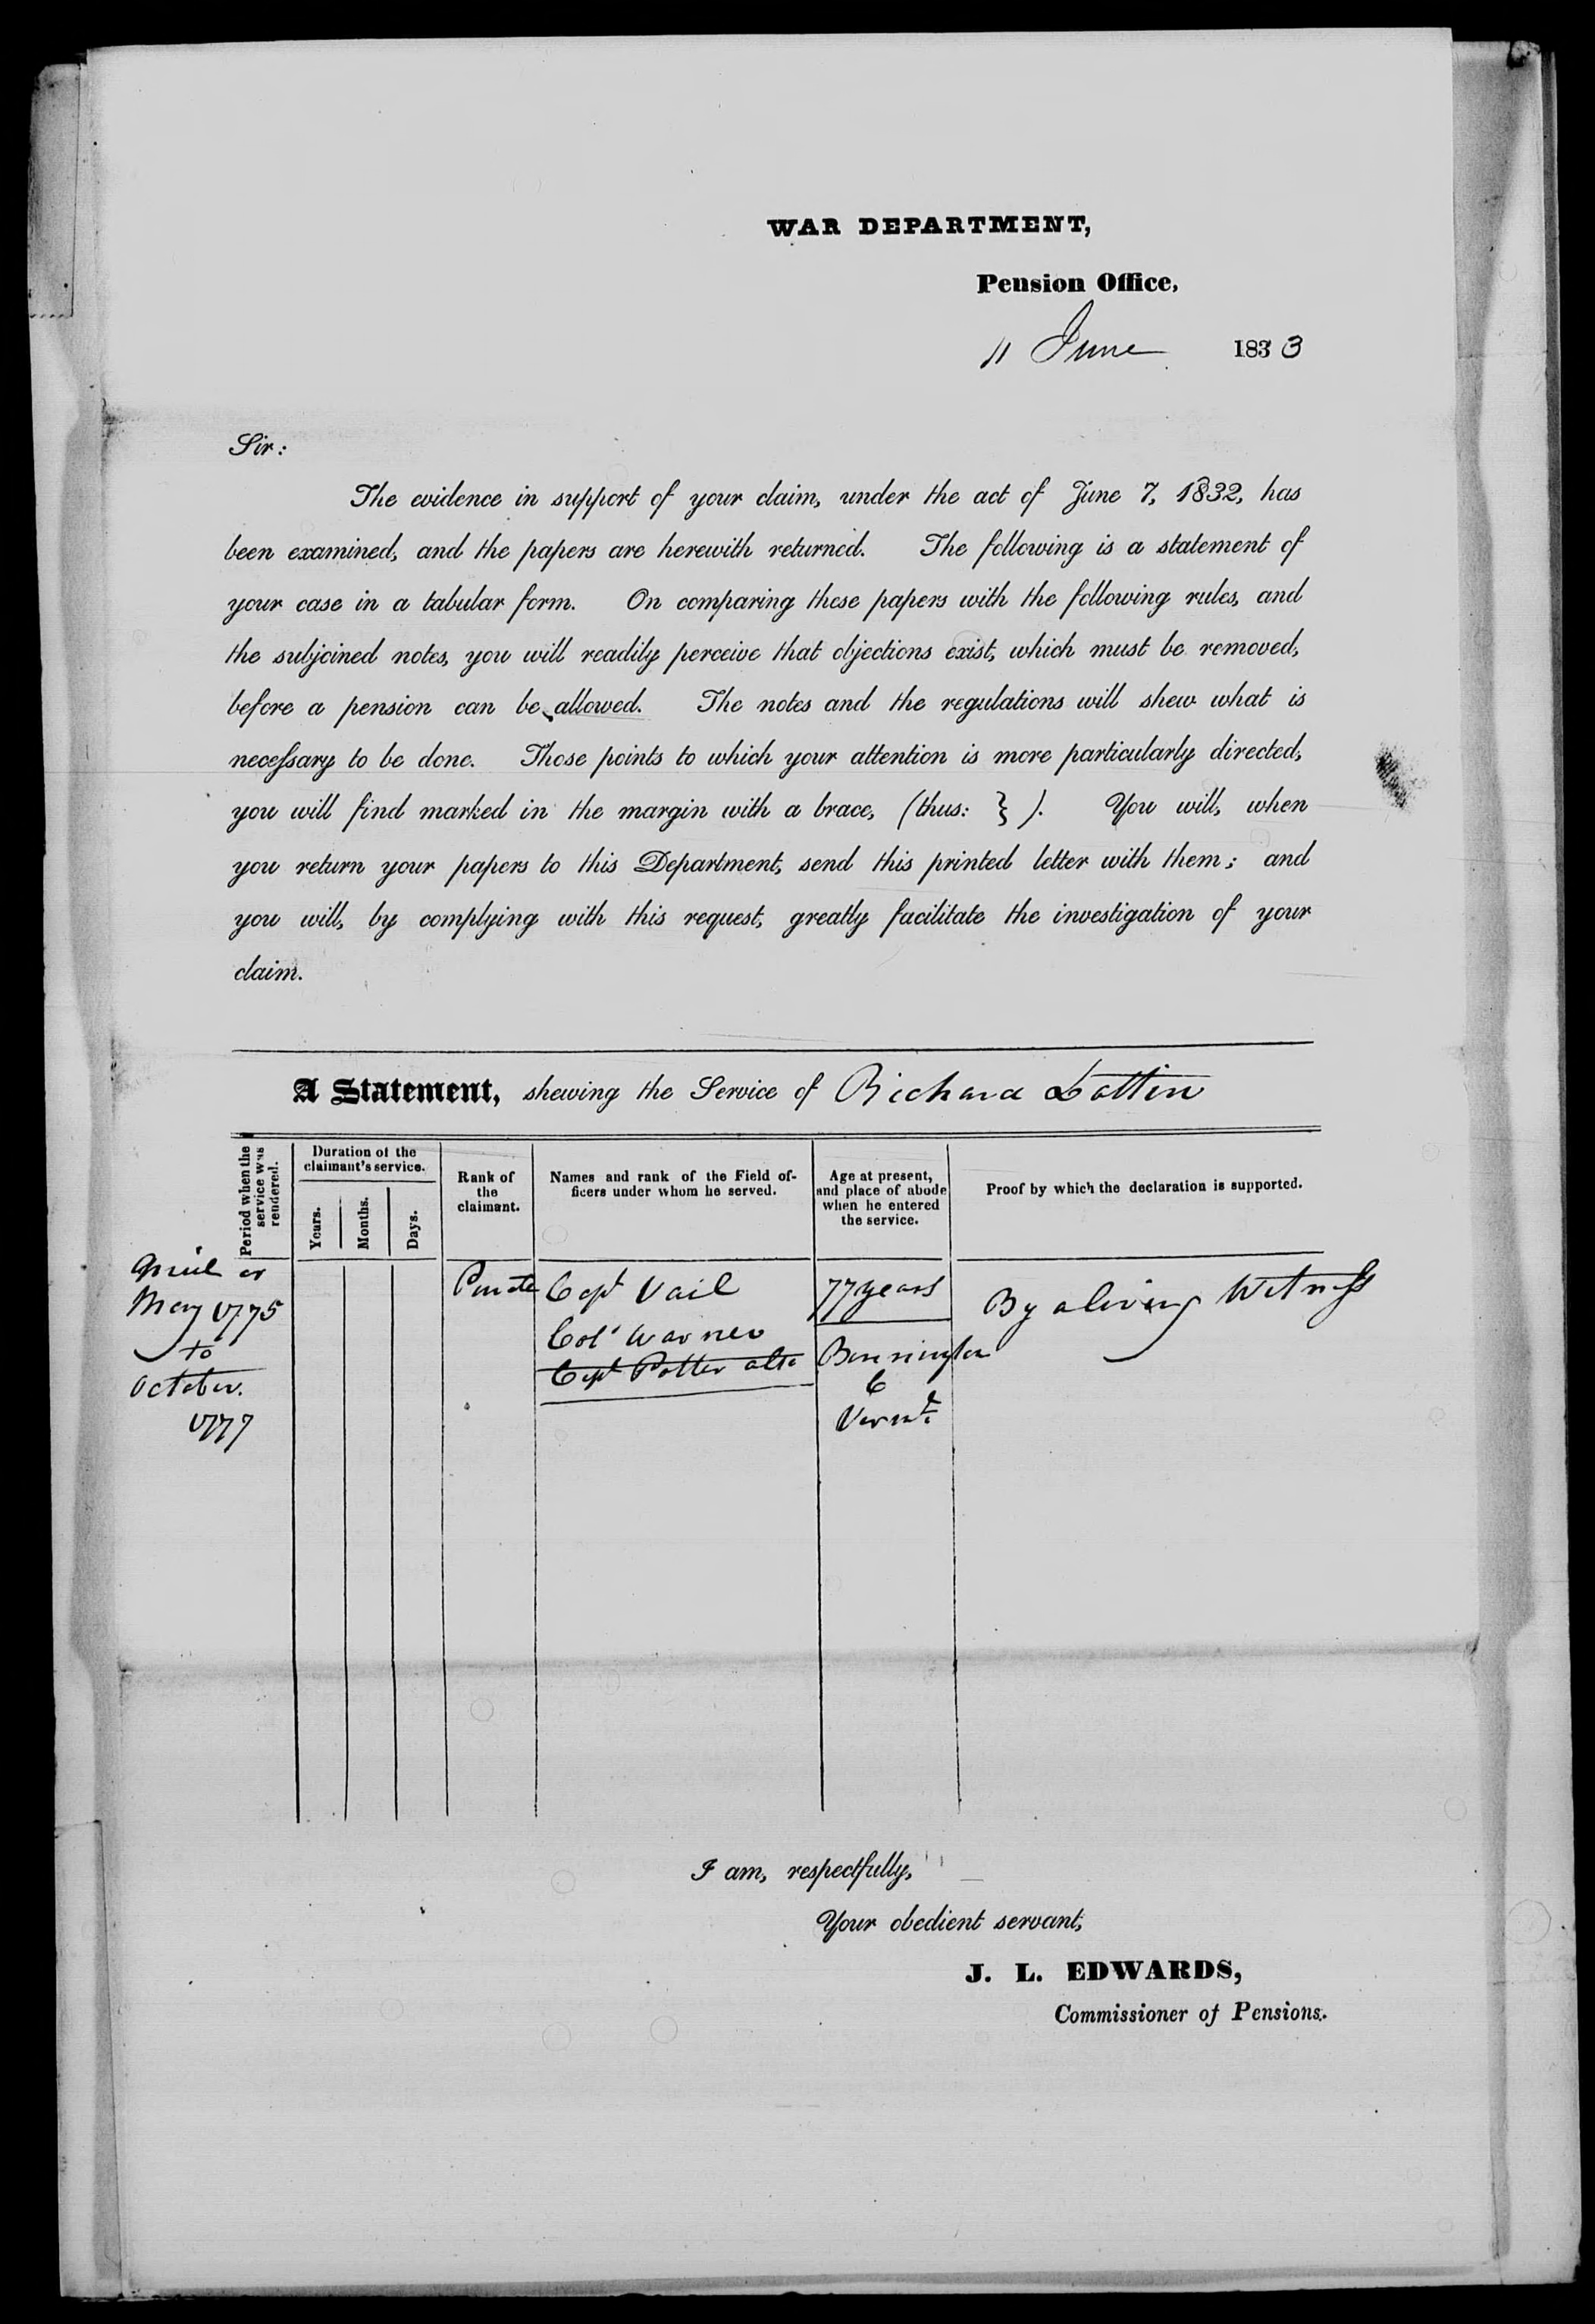WAR DEPARTMENT,
Pension Office,
11 June 1833
Sir.
The evidence in support of your claim, under the act of June 7, 1832, has
been examined, and the papers are herewith returned. The following is a statement of
your case in a tabular form. On comparing these papers with the following rules, and
the subjoined notes, you will readily perceive that objections exist, which must be removed,
before a pension can be allowed. the notes and the regulations will shew what is
necessary to be done. Those points to which your attention is more particularly directed,
you will find marked in the margin with a brace, (thus: }).
You will, when
you return your papers to this Department, send this printed letter with them; and
you will, by complying with this request, greatly facilitate the investigation of your claim.
A Statement, shewing the service of Richard Lattin

Period when the service was rendered. - April or May 1775 to October 1779

Duration of the claimant’s service. - [blank]

Rank of the claimant. - Private

Names and rank of the Field officers under whom he served. - 
Capt Vail, Col. Warner, Capt Potter also

Age at present, and place of abode when he entered the service. - 77 years,  Bennington Co Verm’t

Proof by which the declaration is supported. - By a living witness

I am, respectfully,
Your obedient servant,
J. L. EDWARDS,
Commissioner of Pensions.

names: J L Edwards; [BLANK] Potter; Richard Lattin; [BLANK] Vail; [BLANK] Warner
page: 14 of 99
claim: widow's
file: W. 24,482, for Richard Lattin, Vermont